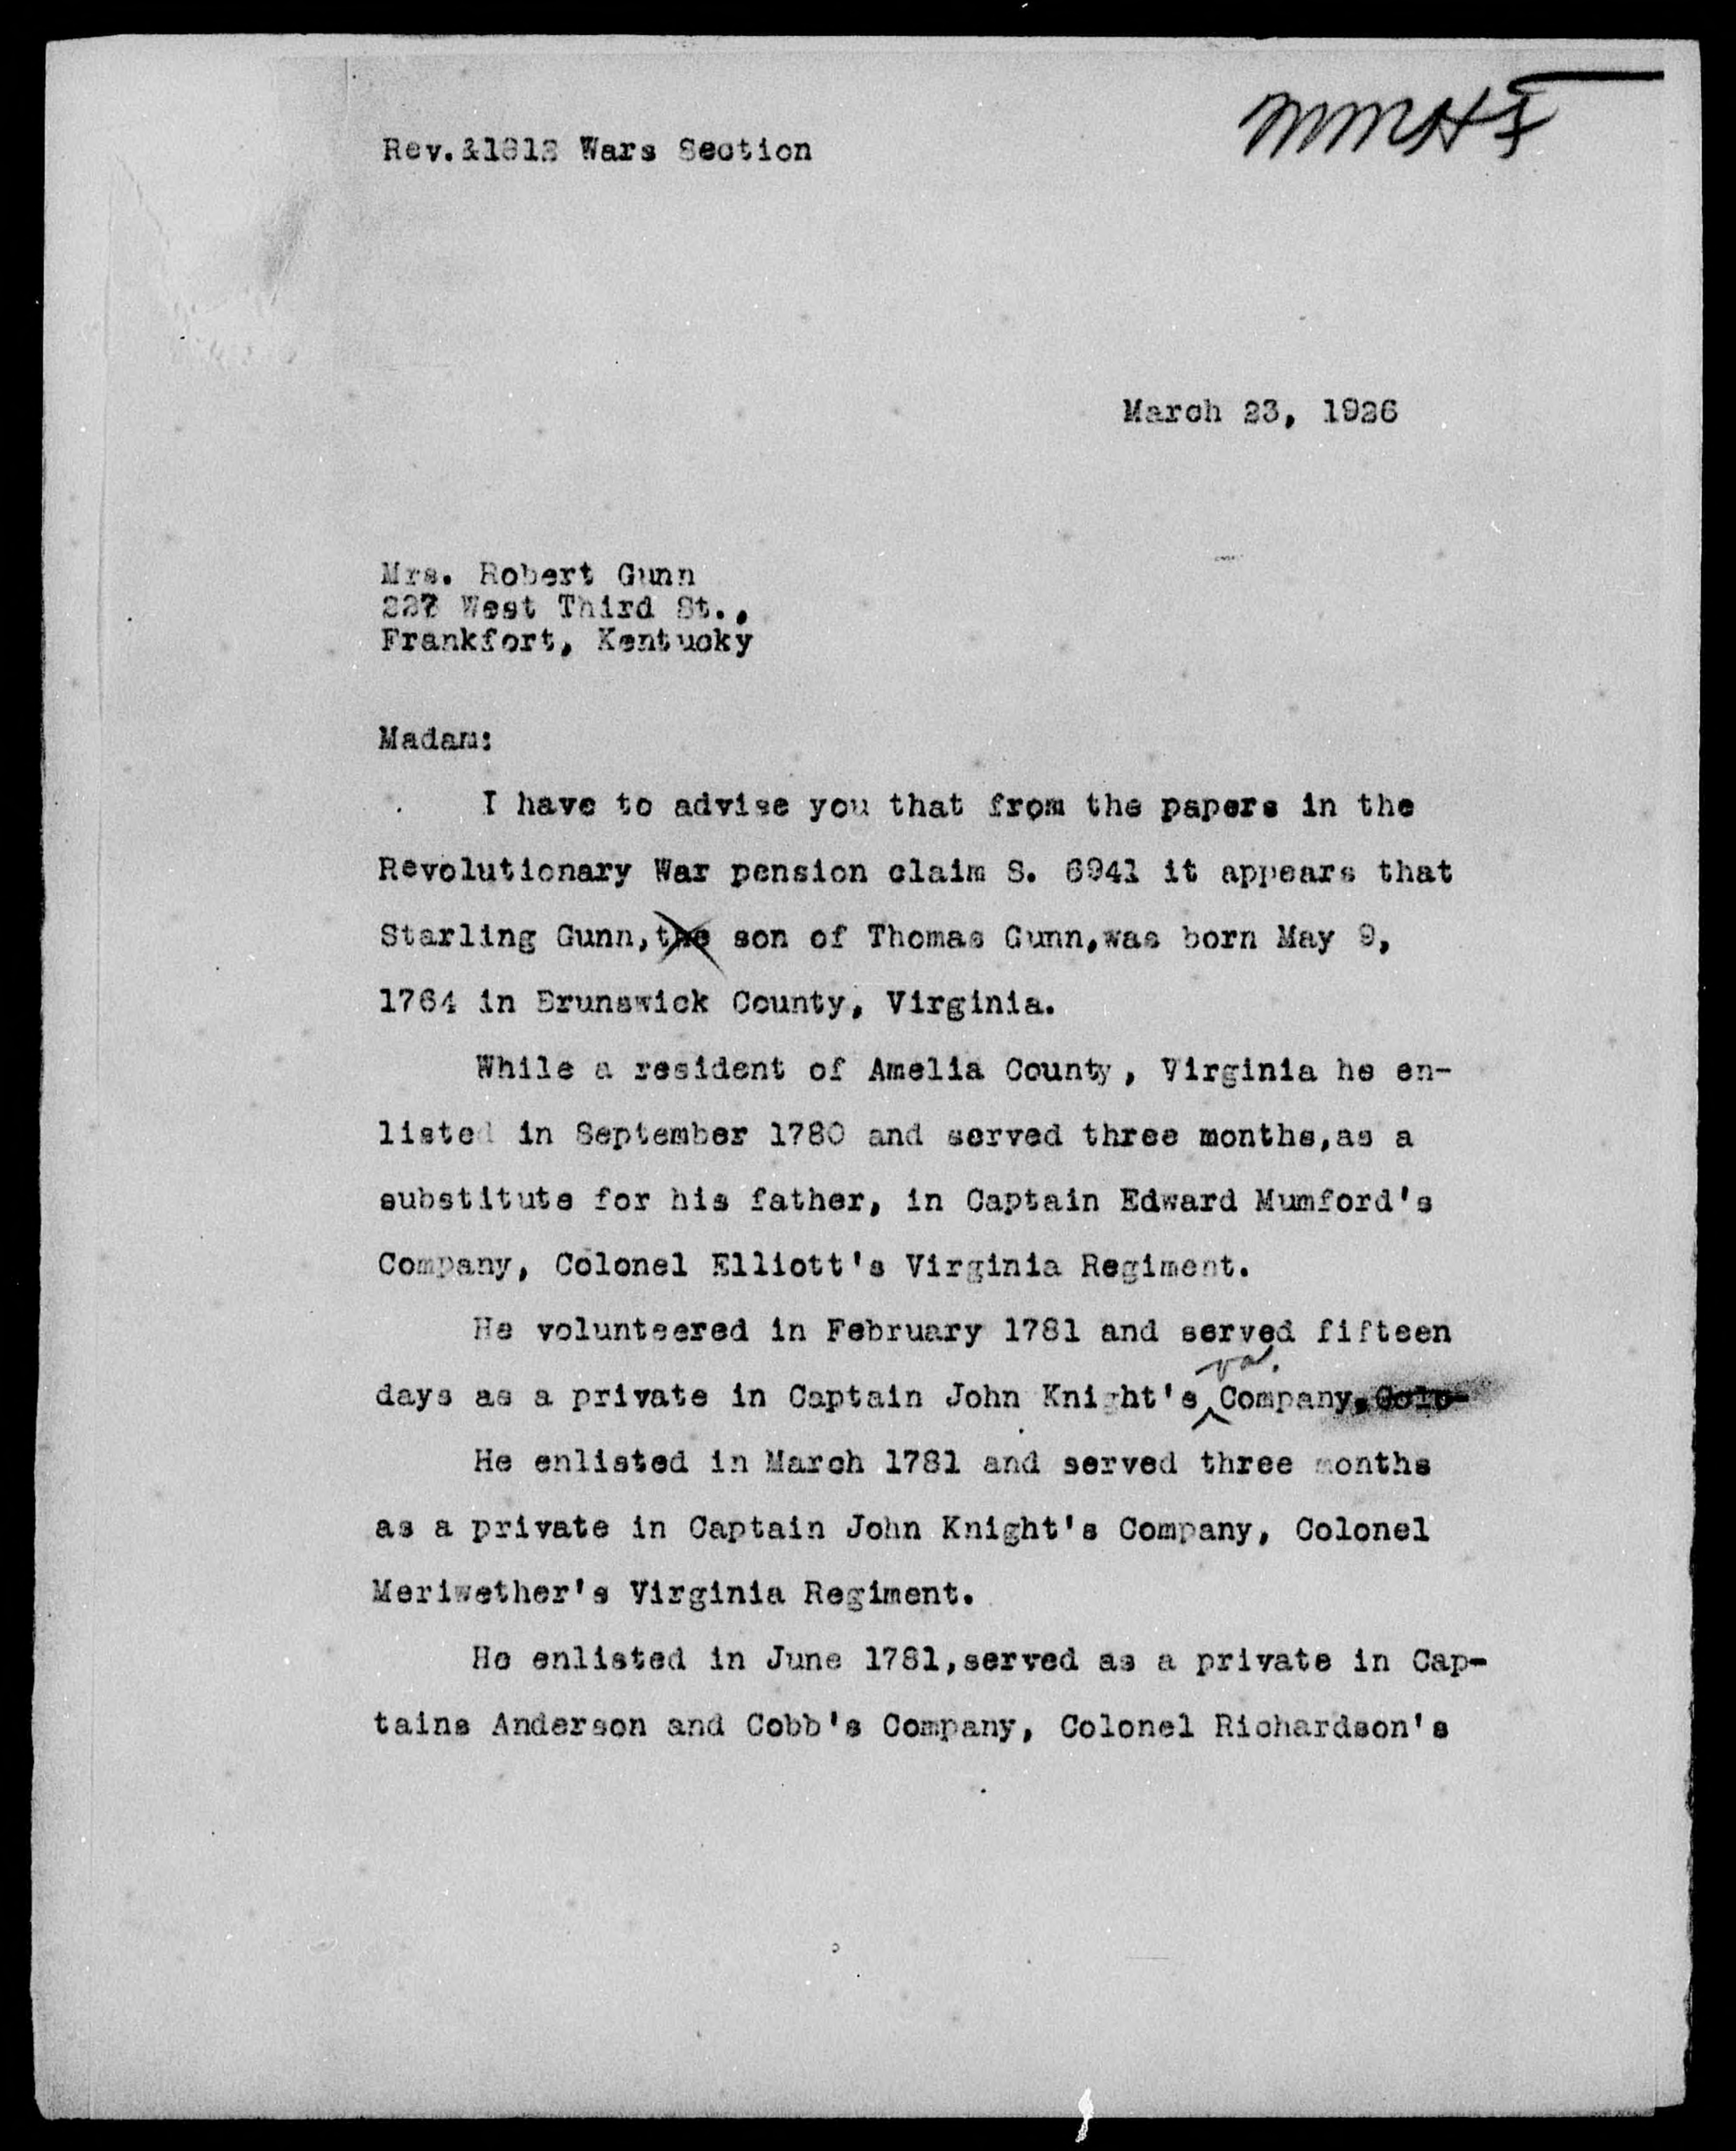Rev. &1812 Wars Section 
MMHF
March 23, 1926 
Mrs. Robert Gunn 
222 West Third St. 
Frankfort, Kentucky 
Madam:  I have to advise you that from the papers in the Revolutionary War pension claim S. 6941 it appears that Starling Gunn, [crossed out: the] son of Thomas Gunn, was born May 9, 1784 in Brunswick County, Virginia. 
While a resident of Amelia County, Virginia he enlisted in September 1780 and served three months as a substitute for his father, in Captain Edward Mumford's Company, Colonel Elliott's Virginia Regiment. 
He volunteered in February 1781 and served fifteen days as a private in Captain John Knight's Va. Company [crossed out: Colo]
He enlisted in March 1781 and served three months as a private in Captain John Knight's Company, Colonel Meriwether's Virginia Regiment. 
He enlisted in June 1781, served as a private in Captains Anderson and Cobb's Company, Colonel Richardson's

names: Robert Gunn, Anderson, Thomas Gunn, Starling Gunn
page: 30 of 58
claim: survivor's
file: S. 6,941, Starling Gunn, Continental Va.